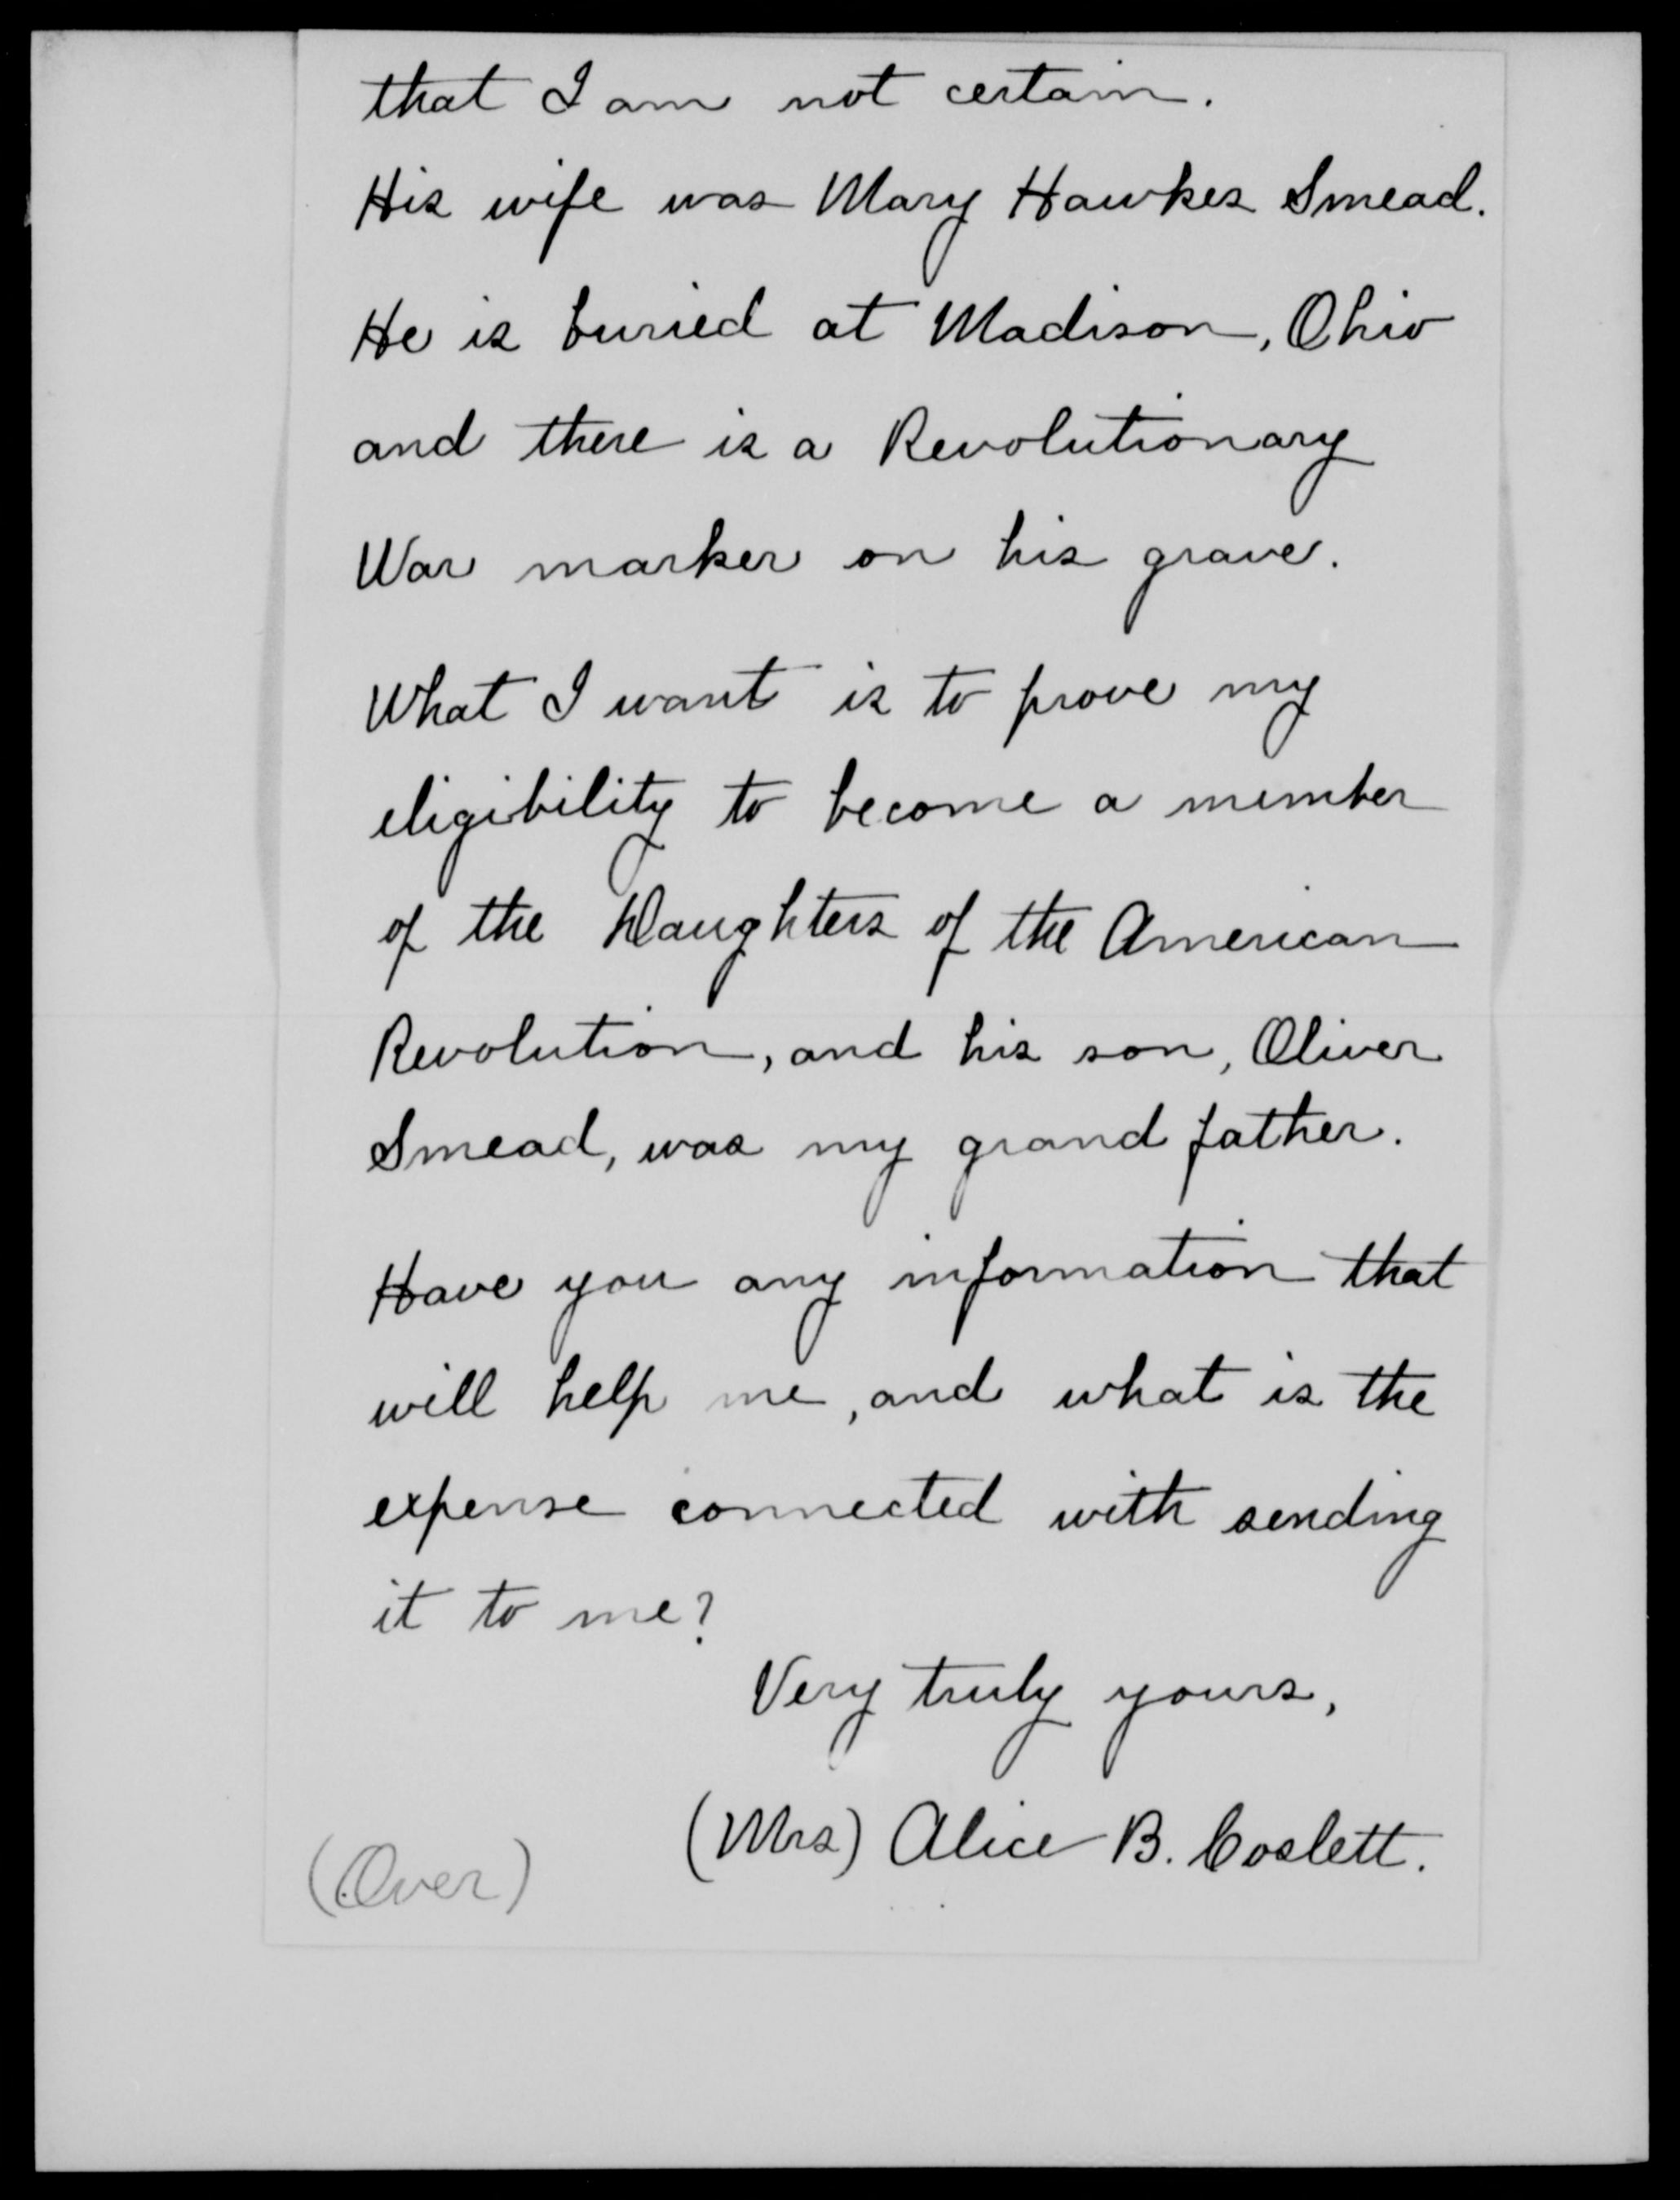that I am not certain.
His wife was Mary Hawkes Smead.  He is buried at Madison, Ohio and there is a Revolutionary War marker on his grave.  What I want is to prove my eligibility to become a member of the Daughters of the American Revolution, and his son, Oliver Smead, was my grandfather.  Have you any information that will help me, and what is the expense connected with sending it to me?
Very truly yours,
(Mrs) Alice B. Coslett
(Over)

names: Mary Hawkes Smead; Oliver Smead; Alice B Coslett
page: 14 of 18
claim: survivor's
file: S. 18,605, for Samuel Smead, Massachusetts